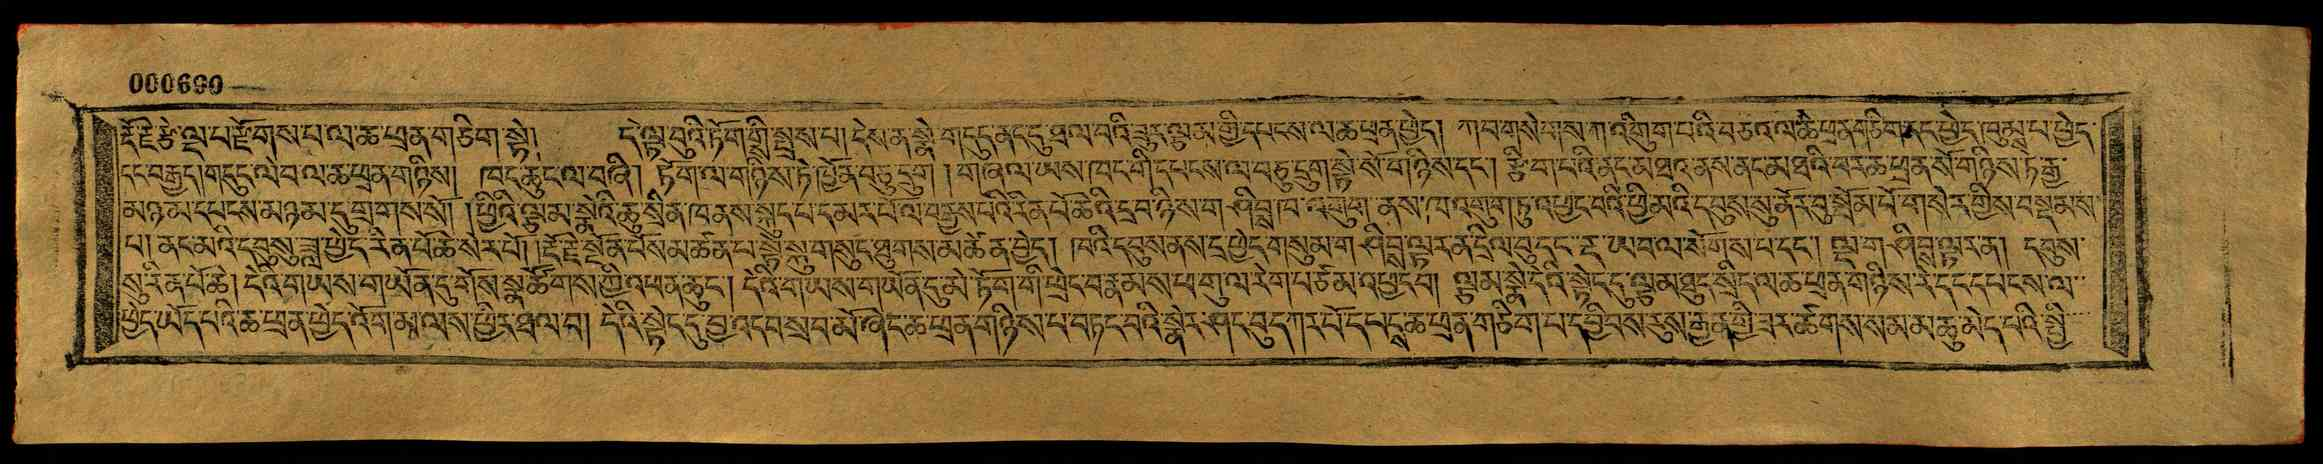རྡོ་རྗེ་རྩེ་ལྔ་པ་རྫོགས་པ་ལ་ཆ་ཕྲན་གཅིག་སྟེ། དེ་ལྟ་བུའི་ཏོག་གི་སྤྲས་པ། དེས་ན་སྣེ་གདུང་ནང་དུ་ཐལ་བའི་ཟུར་ལྕམ་གྱི་དཔངས་ལ་ཆ་ཕྲན་ཕྱེད། ཀ་བ་བསེགས་ཀའི་གུག་པའི་བཅའ་ལ་ཆ་ཕྲན་གཅིག་དང་ཕྱེད་ཁུམ་པས་ཕྱེད་
དང་བརྒྱད། གདུང་ལེབ་ལ་ཆ་ཕྲན་གཉིས། ཁང་ཆུང་ལ་བཞི། ཏོག་ལ་གཉིས་ཏེ་ཁྱོན་བཅུ་དྲུག །གཞལ་ཡས་ཁང་གི་དཔངས་ལ་བཅུ་དྲུག་སྟེ་སོ་གཉིས་དང་། རྩིག་པའི་ནང་མཐའ་ནས་ནང་མཐའི་བར་ཆ་ཕྲན་སོ་གཉིས་ཏེ་རྒྱ་
མཉམ་དཔངས་མཉམ་དུ་གྲགས་སོ། །ཕྱིའི་ལྕམ་སྣེའི་ཆུ་སྲིན་ཁ་ནས་སྐུད་པ་དམར་པོར་བརྒྱུས་པའི་རིན་པོ་ཆེའི་དྲ་བ་གཉིས་གཤིབ་ཁ་འགུག་ནས་ཁ་འགུག་ཏུ་འཕྱང་བའི་ཕྱི་མའི་དབུས་སུ་ནོར་བུ་སྦོམ་པ་གསེར་གྱིས་བསྡམས་
པ༑ ནང་མའི་དབུས་ཟླ་ཕྱེད་རིན་པོ་ཆེ་སེར་པོ། །རྡོ་རྗེ་སྔོན་པོས་མཚན་པ་སྟེ་སྐུ་གསུང་ཐུགས་མཚོན་བྱེད། ཁའི་དབུས་ནས་དྲ་ཕྱེད་གསུམ་གཤིབ་ལྟར་ན་དྲིལ་བུ་དང་རྔ་ཡབ་ལ་སོགས་པ་དང་། ལྔ་གཤིབས་ལྟར་ན། དབུས་
སུ་རིན་པོ་ཆེ། དེའི་གཡས་གཡོན་དུ་གོས་སྣ་ཚོགས་ཀྱི་འཕན་ཆུང་། དེའི་གཡས་གཡོན་དུ་མེ་ཏོག་གི་ཕྲེང་བ་རྣམས་ཕ་གུལ་རེག་པ་ཙམ་འཕྱང་བ། ལྕམ་སྣེ་དེའི་སྟེང་དུ་ལྕམ་ཐུང་སྲིད་ལ་ཆ་ཕྲན་གཉིས་རེ་དང་དཔངས་ལ་
ཕྱེད་ཡོད་པའི་ཆ་ཕྲན་ཕྱེད་འོག་མ་ལས་ཕྱིར་ཐལ་བ། དེའི་སྟེང་དུ་བྱ་འདབ་སྲབ་མོ་ཞེང་ཆ་ཕྲན་གཉིས་པ་བཏང་བའི་སྣེར་ཤར་བུ་དཀར་པོ་དཔངས་ཆ་ཕྲན་གཅིག་པ་དབྱིབས་རུས་རྒྱན་གྱི་ཟ་ར་ཚགས་སམ་མཆུ་མེད་པའི་སྤྱི་